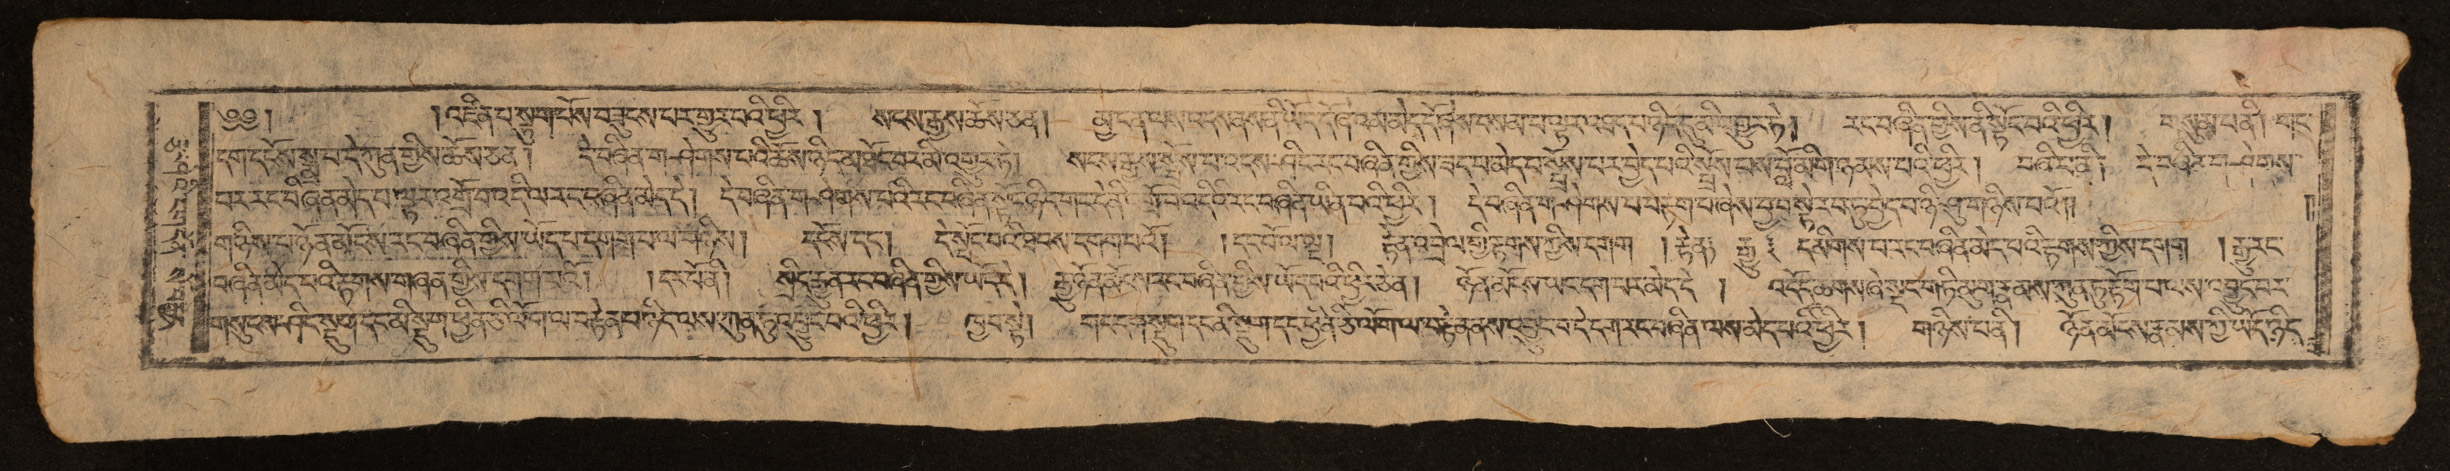༄༅། །འཛིན་པ་སྟུག་པོས་བཟུངས་པར་གྱུར་པའི་ཕྱིར། སངས་རྒྱས་ཆོས་ཅན། མྱ་ངན་ལས་འདས་ནས་ནི་ཡོད་དོ་ཞེ་འམ་མེད་དོ་ཞེས་བསམ་པ་ལྟར་འཐད་པ་ཉིད་དུ་མི་འགྱུར་ཏེ། རང་བཞིན་གྱིས་ནི་སྟོང་པའི་ཕྱིར། གསུམ་པ་ནི། གང་
དག་དངོས་སྨྲ་བ་དེ་ཀུན་གྱིས་ཆོས་ཅན། དེ་བཞིན་གཤེགས་པའི་ཆོས་ཉིད་མཐོང་བར་མི་འགྱུར་ཏེ། སངས་རྒྱས་སྤྲོས་པ་འདས་ཤིང་རང་བཞིན་གྱིས་ཟད་པ་མེད་པ་སྤྲོས་པར་བྱེད་པའི་སྤྲོས་པས་བློ་མིག་ཉམས་པའི་ཕྱིར། བཞི་པ་ནི། དེ་བཞིན་གཤེགས་
པར་རང་བཞིན་མེད་པ་ལྟར་འགྲོ་བ་འདི་ལ་རང་བཞིན་མེད་དེ། དེ་བཞིན་གཤེགས་པའི་རང་བཞིན་སྟོང་ཉིད་གང་དེ་ནི་འགྲོ་བ་འདིའི་རང་བཞིན་ཡིན་པའི་ཕྱིར། དེ་བཞིན་གཤེགས་པ་བརྟག་པ་ཞེས་བྱ་བ་སྟེ་རབ་ཏུ་བྱེད་པ་ཉི་ཤུ་གཉིས་པའོ།།
གཉིས་པ་ཉོན་མོངས་རང་བཞིན་གྱིས་ཡོད་པ་དགག་པ་ལ་གཉིས། དངོས་དང་། དེ་སྤོང་བའི་ཐབས་དགག་པའོ། །དང་པོ་ལ་ལྔ། རྟེན་འབྲེལ་གྱི་རྟགས་ཀྱིས་དགག །རྟེན༑ རྒྱུ༑ དམིགས་པ་རང་བཞིན་མེད་པའི་རྟགས་ཀྱིས་དགག །རྒྱུ་རང་
བཞིན་མེད་པའི་རྟགས་གཞན་གྱིས་དགག་པའོ། །དང་པོ་ནི། སྲིད་རྒྱུན་རང་བཞིན་གྱིས་ཡོད་དེ། རྒྱུ་ཉོན་མོངས་རང་བཞིན་གྱིས་ཡོད་པའི་ཕྱིར་ཅེ་ན། ཉོན་མོངས་ཡང་དག་པར་མེད་དེ། འདོད་ཆགས་ཞེ་སྡང་གཏི་མུག་རྣམས་ཀུན་ཏུ་རྟོག་པ་ལས་འབྱུང་བར་
གསུངས་ཤིང་སྡུག་དང་མི་སྡུག་ཕྱིན་ཅི་ལོག་ལ་བརྟེན་པ་ཉིད་ལས་ཀུན་ཏུ་འབྱུང་བའི་ཕྱིར། ཁྱབ་སྟེ། གང་དག་སྡུག་དང་མི་སྡུག་དང་ཕྱིན་ཅི་ལོག་ལ་བརྟེན་ནས་འབྱུང་བ་དེ་དག་རང་བཞིན་ལས་མེད་པའི་ཕྱིར། གཉིས་པ་ནི། ཉོན་མོངས་རྣམས་ཀྱི་ཡོད་ཉིད་